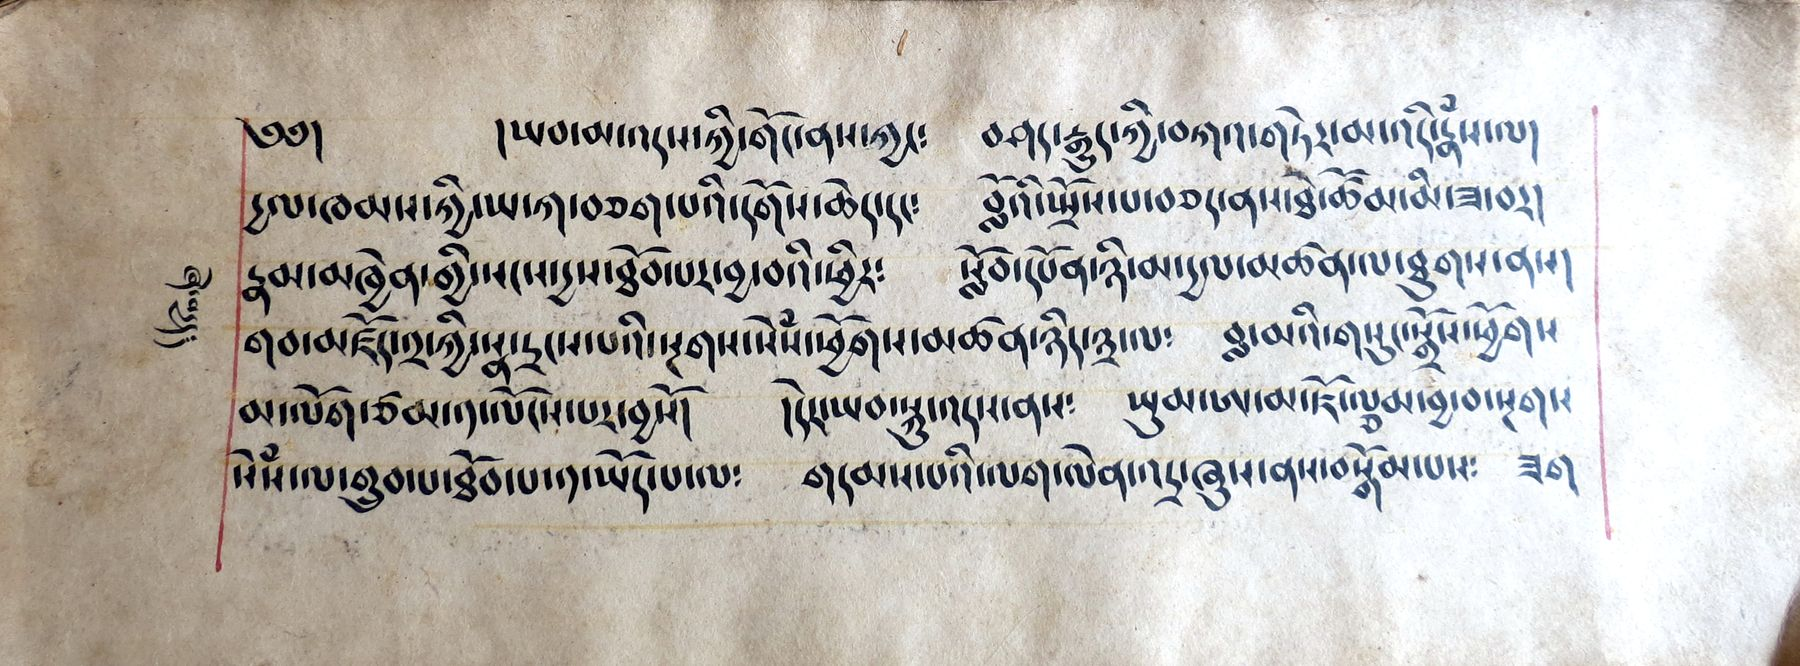ཡབ་མ་འདས་ཀྱི་གོང་ནས་ཀྱང་། བཤད་རྒྱུད་ཀྱི་བཀའ་གཏེར་མ་འདི་རྣམས་ལ། 
རྒྱལ་ཁམས་ཀྱི་ཡ་ཁ་བཅག་པའི་དགོས་ཆེད་དང་། བློའི་སྤྲོས་པ་བཅད་ནས་ཐེ་ཚོམ་མི་ཟ་བར། 
རྣམ་མཁྱེན་གྱི་སངས་རྒྱས་ཐོབ་པར་བྱ་བའི་ཕྱིར། སློབ་དཔོན་ཉི་མ་རྒྱལ་མཚན་ལ་ཐུག་ནས་
གབ་མཛོད་གཉིས་ཀྱི་སྣ་དྲངས་པའི་སྔགས་སེམས་ཕྱོགས་མཚན་ཉིད་གསུམ་ལ། བླ་མའི་གསུང་སྒྲོས་ཕྱོགས་
མ་ལོག་ཙམ་ལོངས་༼ལོན༽པར་བྱས་སོ། །དེར་ཡབ་སྐུ་འདས་ནས་ཡུམ་ཨ་མ་ཇོ་ལྕམ་བྱ་བ། སྔགས་
སེམས་ལ་གྲུབ་པ་ཐོབ་པ་ཅིག་ཡོད་པ་ལ། གདམས་པའི་ལག་ལེན་འདྲ་ཞུས་ནས་བསྒོམ་པས། ཟག་